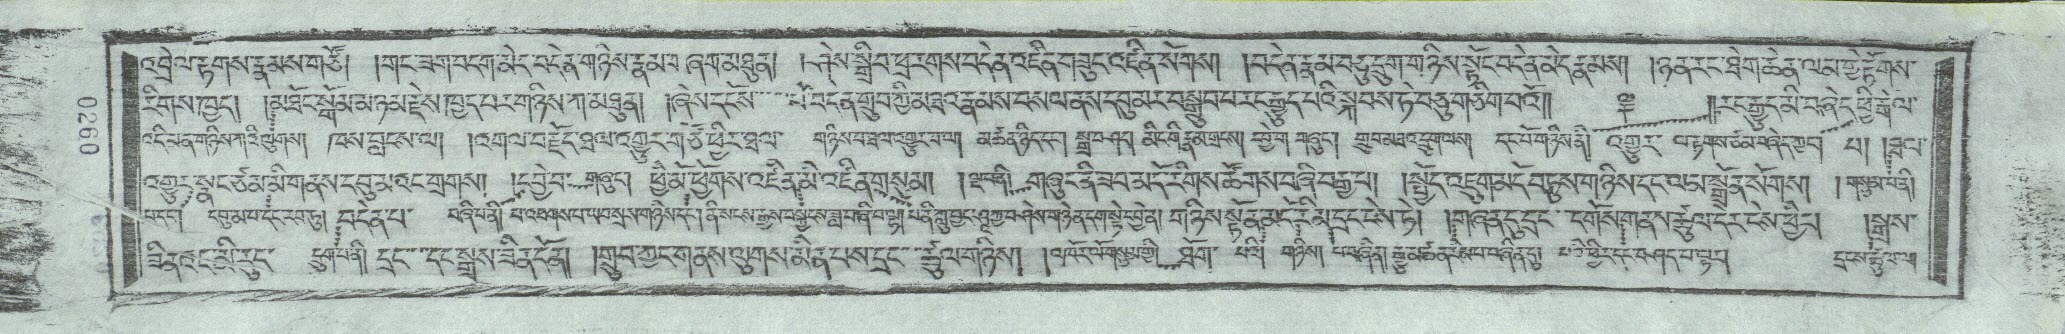འབྲེལ་རྟགས་རྣམས་གཙོ། །གང་ཟག་བདག་མེད་བདེན་གཉིས་རྣམ་བཞག་མཐུན། །ཤེས་སྒྲིབ་ཕྲ་རགས་བདེན་འཛིན་གཟུང་འཛིན་སོགས། །བདེན་རྣམ་བཅུ་དྲུག་གཉིས་སྟོང་བདེན་མེད་རྣམས། །ཉན་རང་ཐེག་ཆེན་ལམ་གྱི་རྟོགས་
རིགས་ཁྱད། །མཐོང་སྒོམ་མཉམ་རྗེས་ཁྱད་པར་གཉིས་ཀ་མཐུན། །ཞེས་དངོས་པོ་བདེན་གྲུབ་ཀྱི་མཐའ་རྣམས་བསལ་ནས་དབུ་མར་བསྒྲུབ་པ་རང་རྒྱུད་པའི་སྐབས་ཏེ་བཅུ་གཅིག་པའོ།། ༈ །།རང་རྒྱུད་མི་བཞེད་ཕྱི་རྒོལ་
འདི་མན་གཉིས་ཀའི་ལུགས། ཁས་བླངས་ལ། །འགལ་བརྗོད་ཐལ་འགྱུར་གཙོ་ཕྱིར་ཐལ་གཉིས་པ་ཐལ་འགྱུར་བལ། མཚན་ཉིད་དང་། སྒྲ་བཤད། མིང་གི་རྣམ་གྲངས། དབྱེ་བ། གཞུང་། གྲུབ་མཐའ་འདུག་ལས། དང་པོ་གཉིས་ནི། འགྱུར་ལ་རྟགས་ཙམ་བཞེད་ཀྱང་། པ། ཐལ་
འགྱུར་སྣང་ཙམ་མི་གནས་དབུ་མའང་གྲངས། །དབྱེ་བ་གཞུང་། ཕྱི་མོ་ཕྱོགས་འཛིན་མི་འཛིན་གསུམ། །ལྔ་པ་ནི། གཞུང་ནི་ཟབ་མདོ་རིགས་ཚོགས་བཞི་བརྒྱ་པ། །སྤྱོད་འཇུག་མདོ་བཏུས་གཉིས་དང་ལམ་སྒྲོན་སོགས། །གསུམ་པ་ནི་
པ་དང་། དབུ་མ་པ་དང་རབ་ཏུ། བདེན་པ་བཞི་པ་ནི། བ་འཕགས་པ་ཡབ་སྲས་གཉིས་དང་། ནི་སངས་རྒྱས་བསྐྱངས་ཟླ་བཞི་བ་ལྷ། པ་ནི་ཀླུ་བྱང་ཤཱཀྱ་བཤེས་གཉེན་དག་སྟེ་དབྱེན། གཉིས་སྟོན་མདོ་རིམ་དྲང་ངེས་ཏེ། །གཞན་དུ་དྲང་དགོས་གནས་ཚུལ་དང་ངེས་ཕྱིར། །སྒྲས་
ཟིན་འང་མི་རུང་དྲུག་པ་ནི། དྲང་དང་སྒྲས་ཟིན་དོན། །གྲུབ་ཀྱང་གནས་ལུགས་མིན་པས་དྲང་ཚུལ་གཉིས། །འཁོར་ལོ་གསུམ་གྱི། ཐོག་པའི། གཉིས། པ་བཞིན། རྒྱུ་མཚན་རིམ་པ་བཞིན་དུ། པའི་ཕྱིར་དང་བཤད་པ་ལྟར། དྲངས་ཚུལ་?